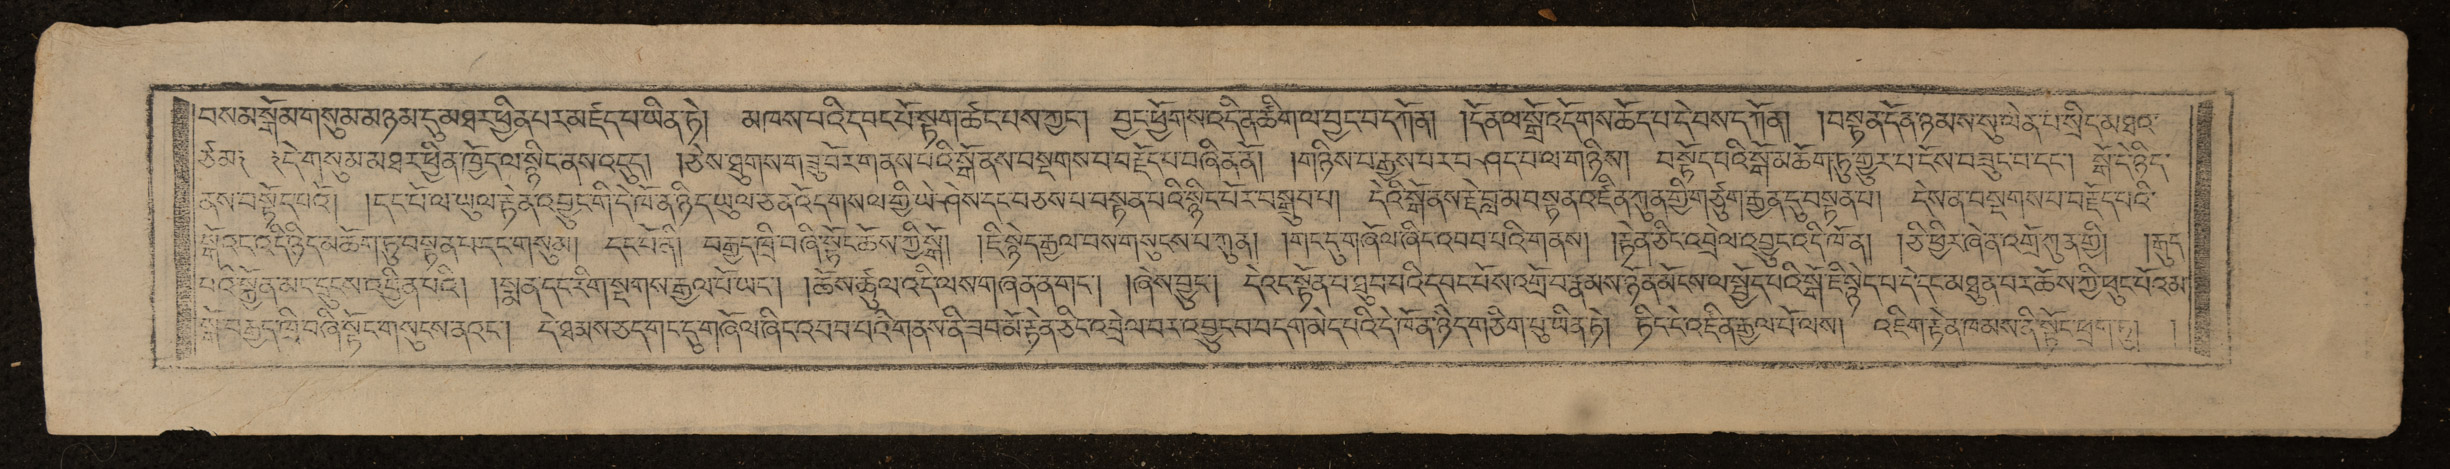བསམ་སྒོམ་གསུམ་མཉམ་དུ་མཐར་ཕྱིན་པར་མཛད་པ་ཡིན་ཏེ། མ་ལས་པའི་དབང་པོ་སྟག་ཚང་པས་ཀྱང་། བྱང་ཕྱོགས་འདི་ན་ཚིག་ལ་བྱང་བ་དཀོན། །དོན་ལ་སྒྲོ་འདོགས་ཆོད་པ་དེ་བས་དཀོན། །བསྟན་དོན་ཉམས་སུ་ལེན་པ་སྲིད་མཐའ་
ཙམ༑ ༑དེ་གསུམ་མཐར་ཕྱིན་ཁྱོད་ལ་སྙིང་ནས་འདུད། །ཅེས་ཐུགས་གཟུ་བོར་གནས་པའི་སྒོ་ནས་བསྔགས་བ་བརྗོད་བ་བཞིན་ནོ། །གཉིས་བརྒྱས་པར་བཤད་པ་ལ་གཉིས། བསྟོད་པའི་སྒོ་མཆོག་ཏུ་གྱུར་པ་ངོས་བཟུང་བ་དང་། སྒོ་དེ་ཉིད་
ནས་བསྟོད་པའོ། །དང་པོ་ལ་ཡུལ་རྟེན་འབྱུང་གི་དེ་ཁོ་ན་ཉིད་ཡུལ་ཅན་འོད་གསལ་གྱི་ཡེ་ཤེས་དང་བཅས་པ་བསྟན་པའི་སྙིང་པོར་བསྒྲུབ་པ། དེའི་སྒོ་ནས་རྗེ་བླ་མ་བསྟན་འཛིན་ཀུན་གྱི་གཙུག་རྒྱན་དུ་བསྟན་པ། དེས་ན་བསྔགས་པ་བརྗོད་པའི་
སྒོའང་འདི་ཉིད་མཆོག་ཏུ་བསྟན་པ་དང་གསུམ། དང་པོ་ནི། བརྒྱད་ཁྲི་བཞི་སྟོང་ཆོས་ཀྱི་སྒོ། །ཇི་སྙེད་རྒྱལ་བས་གསུངས་པ་ཀུན། །གང་དུ་གཞོལ་ཞིང་འབབ་པའི་གནས། །རྟེན་ཅིང་འབྲེལ་འབྱུང་འདི་ཁོ་ན། །ཅི་ཕྱིར་ཞེན་འགྲོ་ཀུན་གྱི། །རྒུད་
པའི་སྐྱོན་མང་དྲུངས་འབྱིན་པའི། །སྨན་དང་རིག་སྔགས་རྒྱལ་པོ་ཡང་། །ཆོས་ཚུལ་འདི་ལས་གཞན་ན་གང་། །ཞེས་བྱུང་། དེའང་སྟོན་པ་ཐུབ་པའི་དབང་པོས་འགྲོ་བ་རྣམས་ཉོན་མོངས་ལ་སྤྱོད་པའི་སྒོ་ཇི་སྙེད་བདེ་དང་མཐུན་པར་ཆོས་ཀྱི་ཕུང་པོའམ་
སྒོ་བརྒྱད་ཁྲི་བཞི་སྟོང་གསུངས་ནའང་། དེ་ཐམས་ཅད་གང་དུ་གཞོལ་ཞིང་འབབ་པའི་གནས་ནི་ཟབ་མོ་རྟེན་ཅིང་འབྲེལ་པར་འབྱུང་བ་བདག་མེད་པའི་དེ་ཁོ་ན་ཉིད་གཅིག་པུ་ཡིན་ཏེ། ཏིང་ངེ་འཛིན་རྒྱལ་པོ་ལས། འཇིག་རྟེན་ཁམས་ནི་སྙོང་ཕྲག་ཏུ།